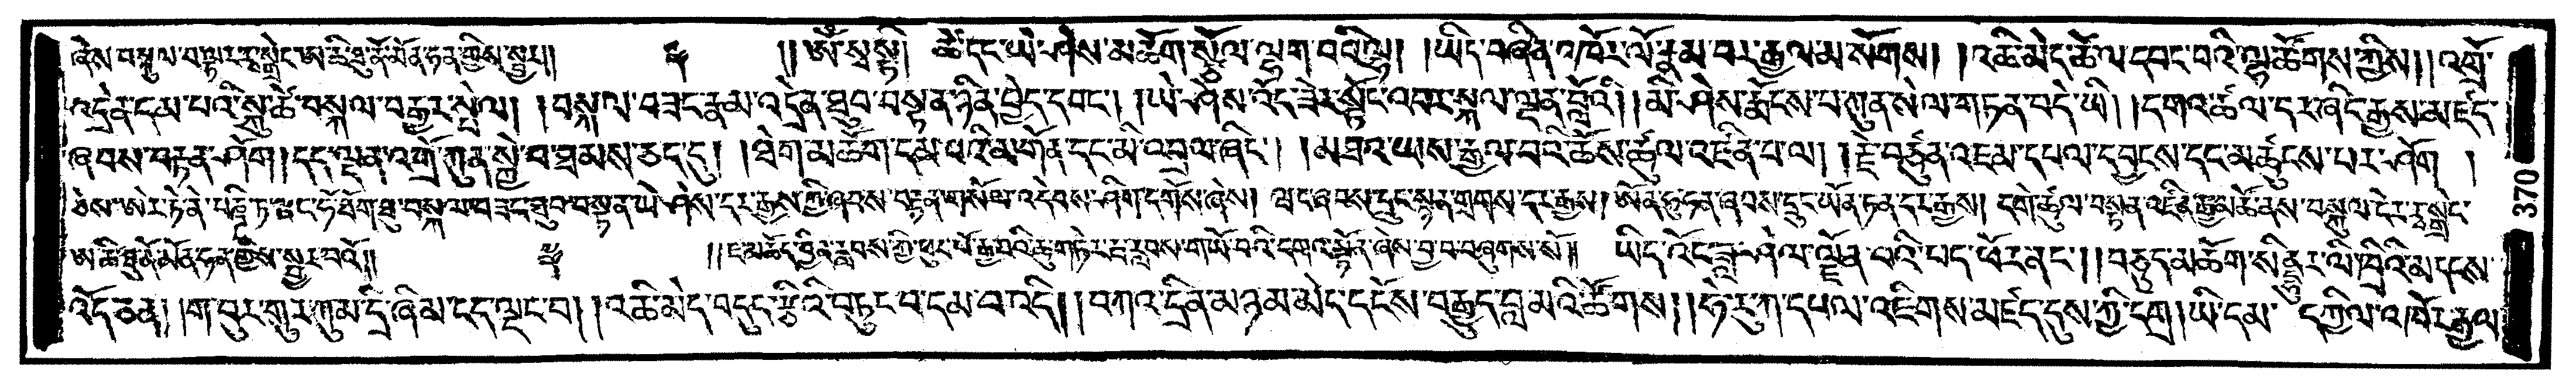ཞེས་བསྐུལ་བ་ལྟར་རྭ་སྒྲེང་ཨ་ཆི་ཐུ་ནོ་མོན་ཧན་གྱིས་སྦྱར།། ༈ །།ཨོཾ་སྭ་སྟི། ཚེ་དང་ཡེ་ཤེས་མཆོག་སྩོལ་ལྷག་པའི་ལྷ། །ཡིད་བཞིན་འཁོར་ལོ་རྣམ་པར་རྒྱལ་མ་སོགས། །འཆི་མེད་ཚེ་ལ་དབང་བའི་ལྷ་ཚོགས་ཀྱིས། །འགྲོ་
འདྲེན་དམ་པའི་སྐུ་ཚེ་བསྐལ་བརྒྱར་སྤེལ། །བསྐལ་བཟང་རྣམ་འདྲེན་ཐུབ་བསྟན་ཉིན་བྱེད་དབང་། །ཡེ་ཤེས་འོད་ཟེར་སྟོང་འབར་སྐལ་ལྡན་བློའི། །མི་ཤེས་རྨོངས་པ་ཀུན་སེལ་གཏན་བདེ་ཡི། །དགའ་ཚལ་དར་ཞིང་རྒྱས་མཛད་
ཞབས་བརྟན་ཤོག །དད་ལྡན་འགྲོ་ཀུན་སྐྱེ་བ་ཐམས་ཅད་དུ། །ཐེག་མཆོག་དམ་པའི་མགོན་དང་མི་འབྲལ་ཞིང་། །མཐའ་ཡས་རྒྱལ་བའི་ཆོས་ཚུལ་འཛིན་པ་ལ། །རྗེ་བཙུན་འཇམ་དཔལ་དབྱངས་དང་མཚུངས་པར་ཤོག །
ཅེས་ཨེར་ཏེ་ནེ་པཎྜི་ཏ་ཝང་ཧོ་ཐོག་ཐུ་བསྐལ་བཟང་ཐུབ་བསྟན་ཡེ་ཤེས་དར་རྒྱས་ཀྱི་ཞབས་བརྟན་གསོལ་འདེབས་ཤིག་དགོས་ཞེས། ཝང་ཞབས་དྲུང་སྙན་གྲགས་དར་རྒྱས། ཨོན་ཧུ་ཧན་ཞབས་དྲུང་ཡོན་ཏན་དར་རྒྱས། དགེ་ཚུལ་བསྟན་འཛིན་རྒྱ་མཚོ་ནས་བསྐུལ་དེར་རྭ་སྒྲེང་
ཨ་ཆི་ཐུ་ནོ་མོན་ཧན་གྱིས་སྦྱར་བའོ།། ༈ །།ཇ་མཆོད་བྱིན་རླབས་ཀྱི་ཕུང་པོ་རྒྱ་བའི་ཆུ་གཏེར་རྦ་རླབས་གཡོ་བའི་དགའ་སྟོན་ཞེས་བྱ་བ་བཞུགས་སོ། །ཡིད་འོང་ཟླ་ཤེལ་ལྗོན་པའི་པད་ཕོར་ནང་། །བཅུད་མཆོག་སིནྡྷུར་ལི་ཁྲིའི་མདངས་
འོད་ཅན། །ག་བུར་གུར་ཀུམ་དྲི་ཞིམ་ངད་ལྡང་བ། །འཆི་མེད་བདུད་རྩིའི་བཏུང་བ་དམ་བ་འདི། །བཀའ་དྲིན་མཉམ་མེད་དངོས་བརྒྱུད་བླ་མའི་ཚོགས། །ཧེ་རུ་ཀ་དཔལ་འཇིགས་མཛད་དུས་ཀྱི་དགྲ་།ཡི་དམ་དཀྱིལ་འཁོར་རྒྱལ་